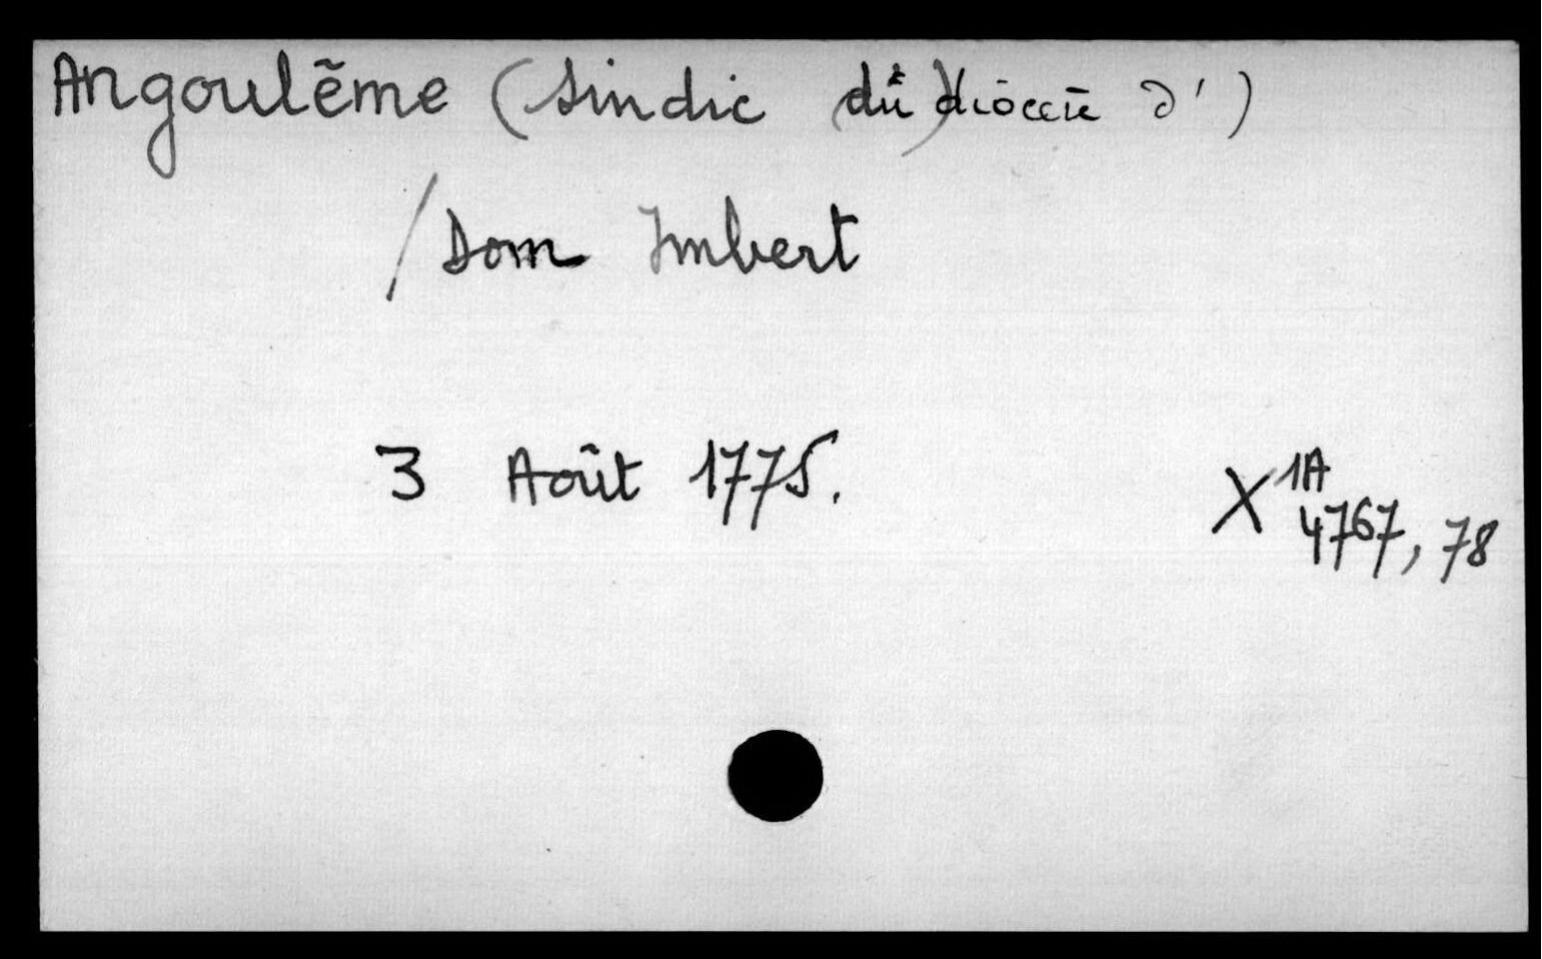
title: ANGOULEME (Sindic du diocèse d')
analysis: Contre Don Imbert
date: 3 août 1775
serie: X1A
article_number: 4767
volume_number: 78
